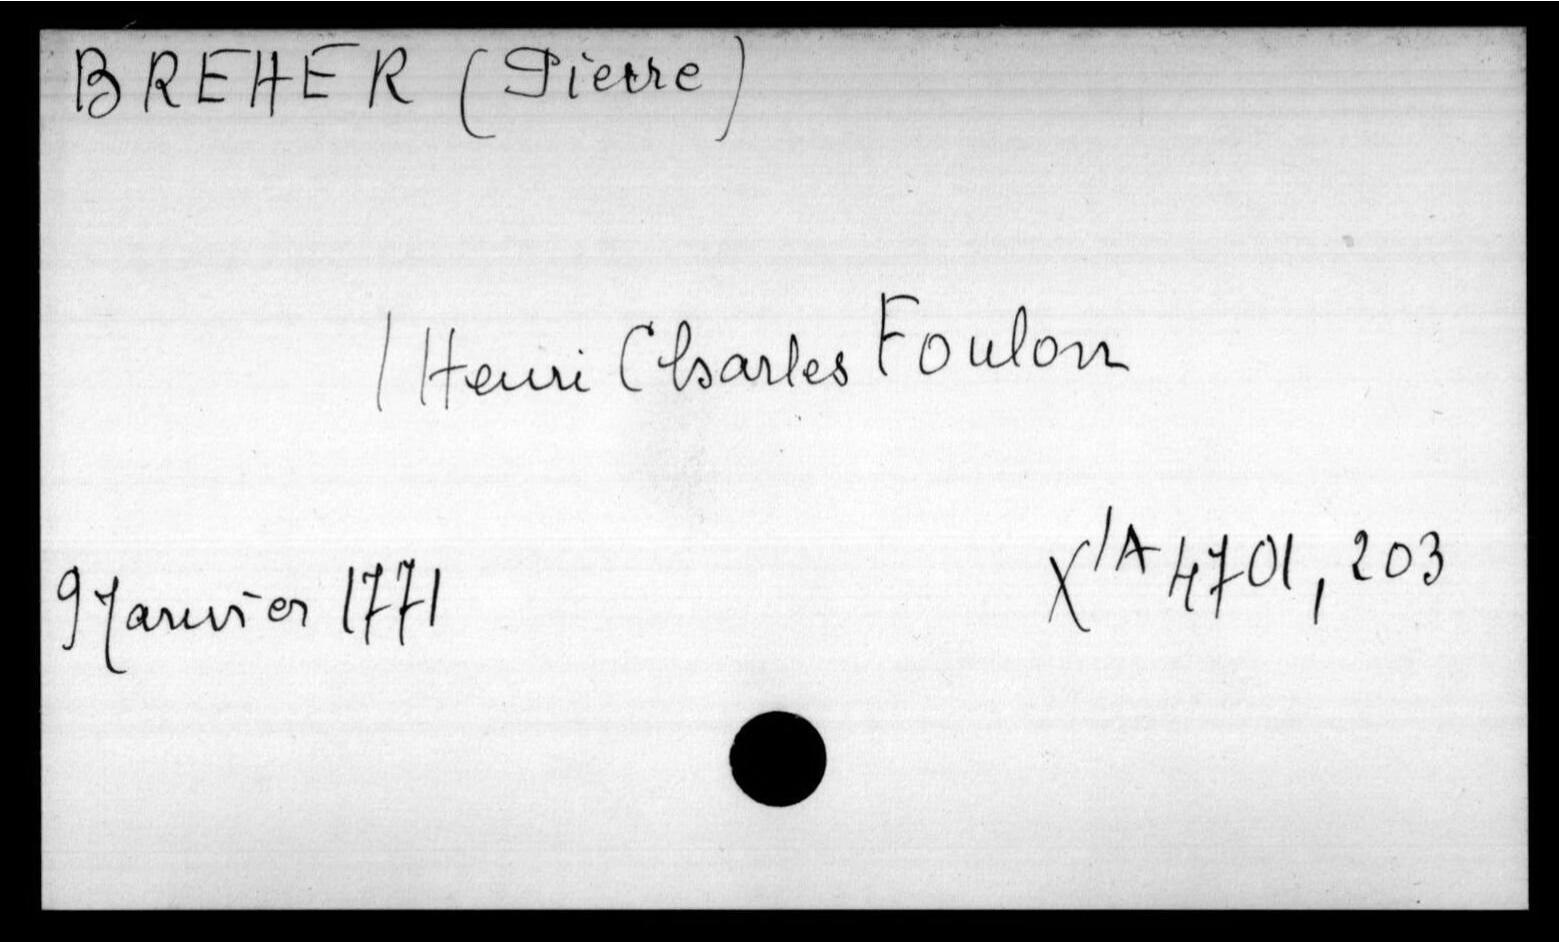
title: BREHER (Pierre)
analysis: Contre Henri Charles Foulon
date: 9 janvier 1771
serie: X1A
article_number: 4701
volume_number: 203
